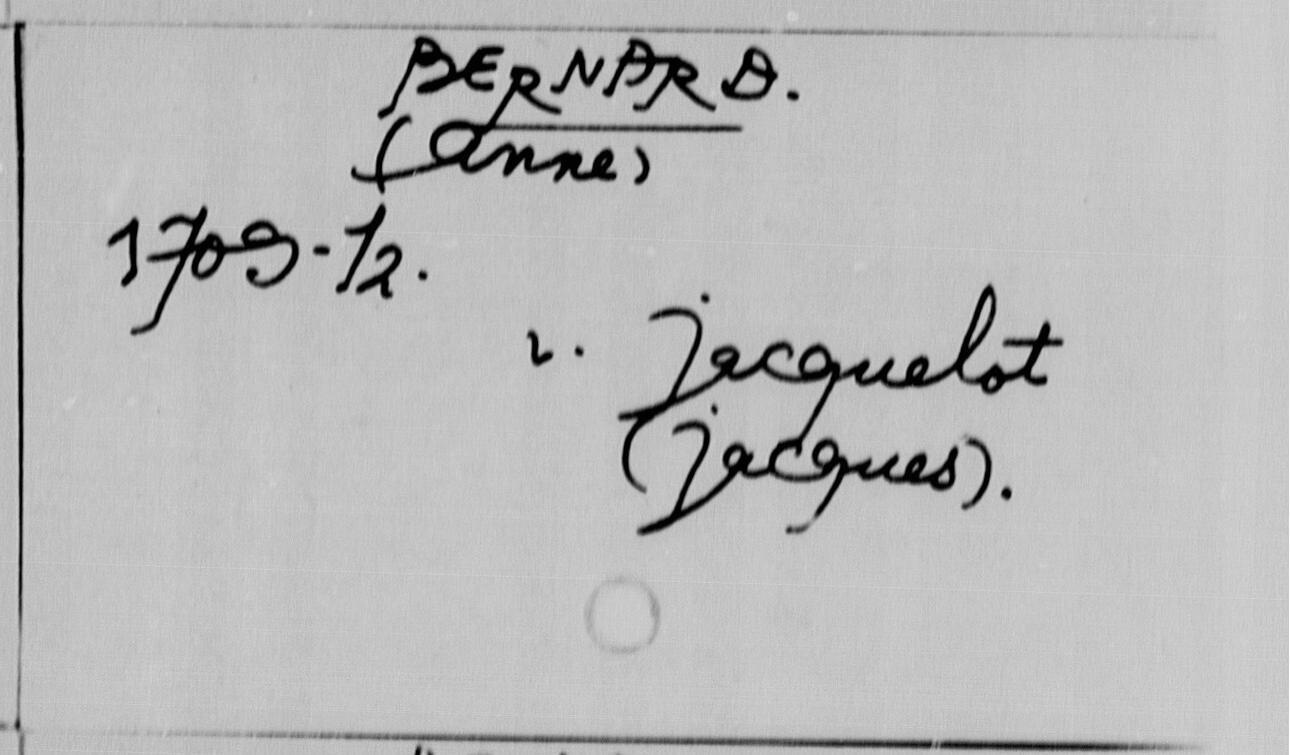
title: BERNARD (Anne)
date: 1709-1712
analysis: Voir : JACQUELOT (Jacques)
